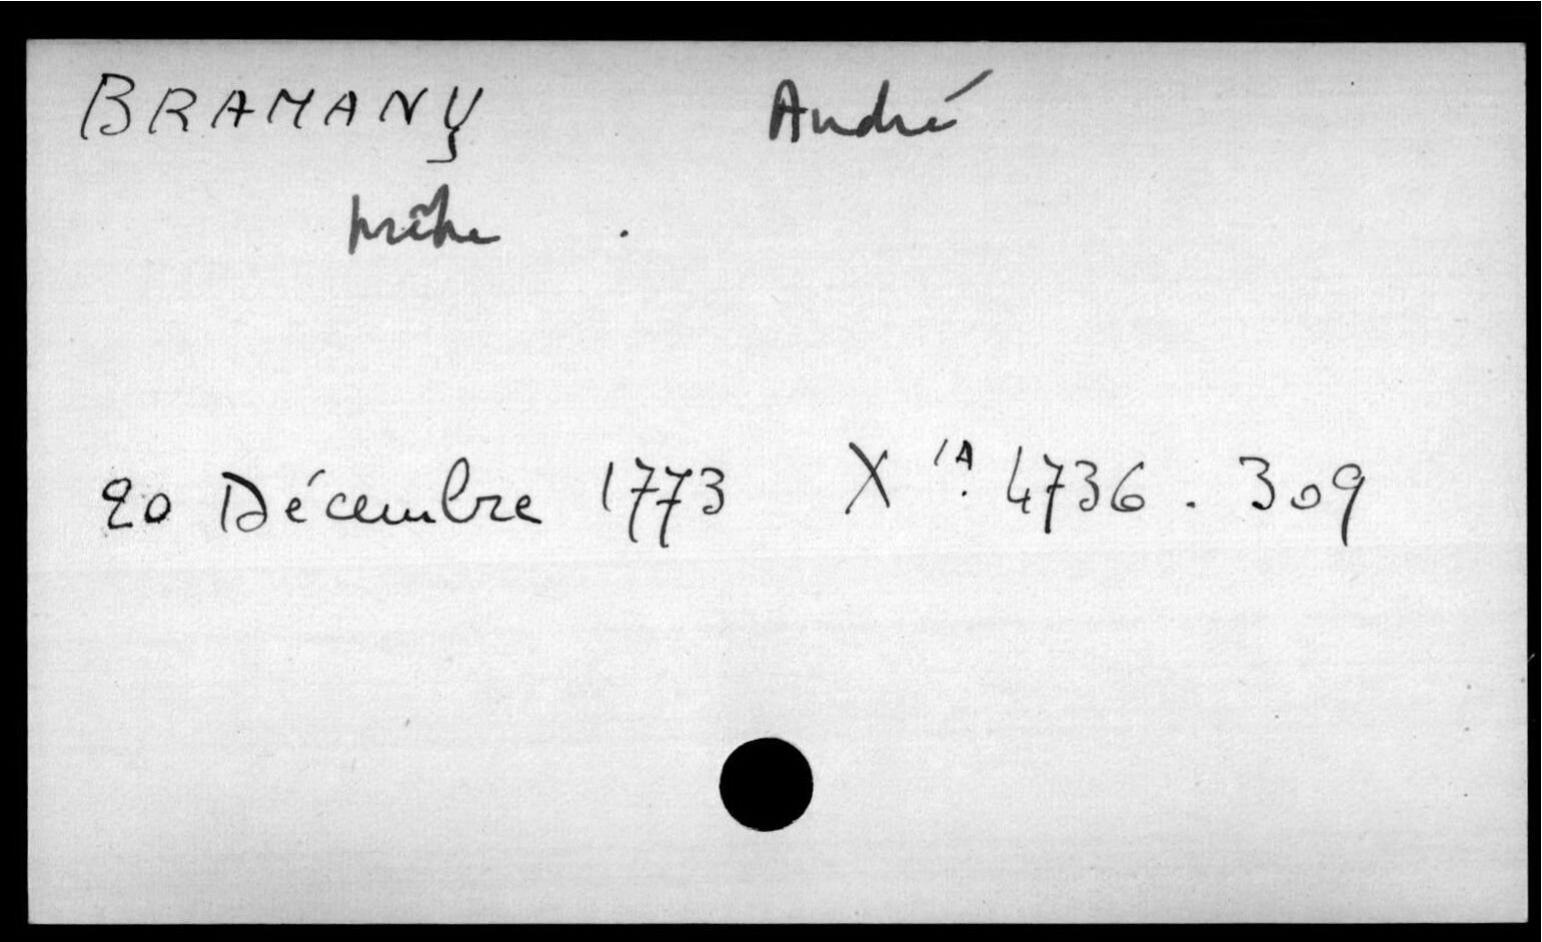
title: BRAMANY André prêtre
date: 20 décembre 1773
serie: X1A
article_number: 4736
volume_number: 309
